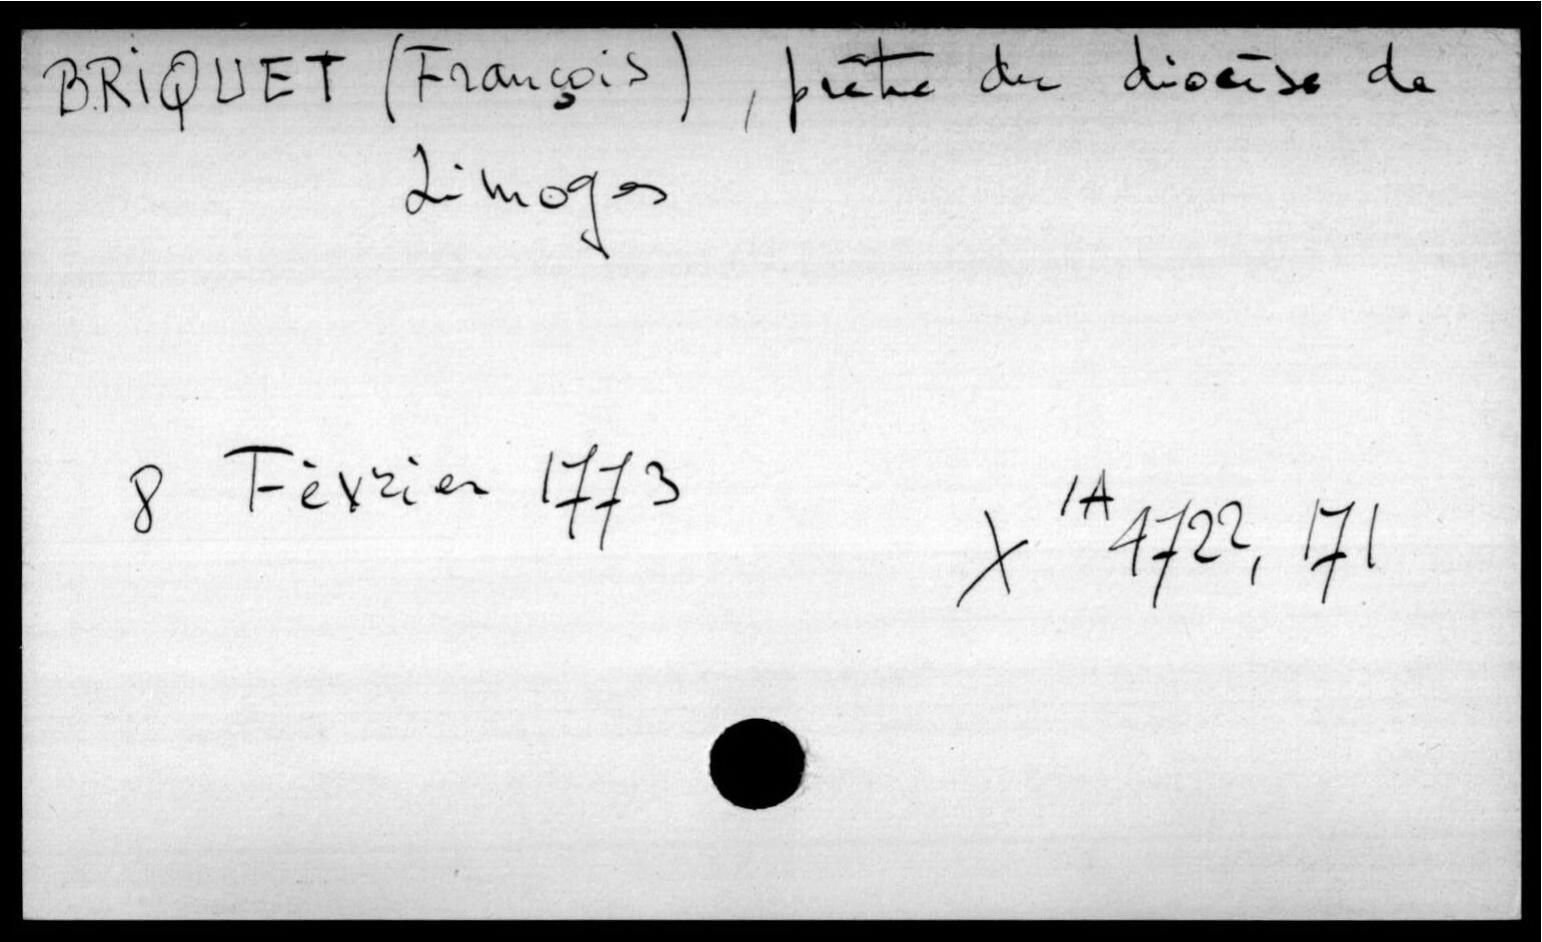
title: BRIQUET (François), prêtre du diocèse de Limoges
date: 8 février 1773
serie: X1A
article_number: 4722
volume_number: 171
